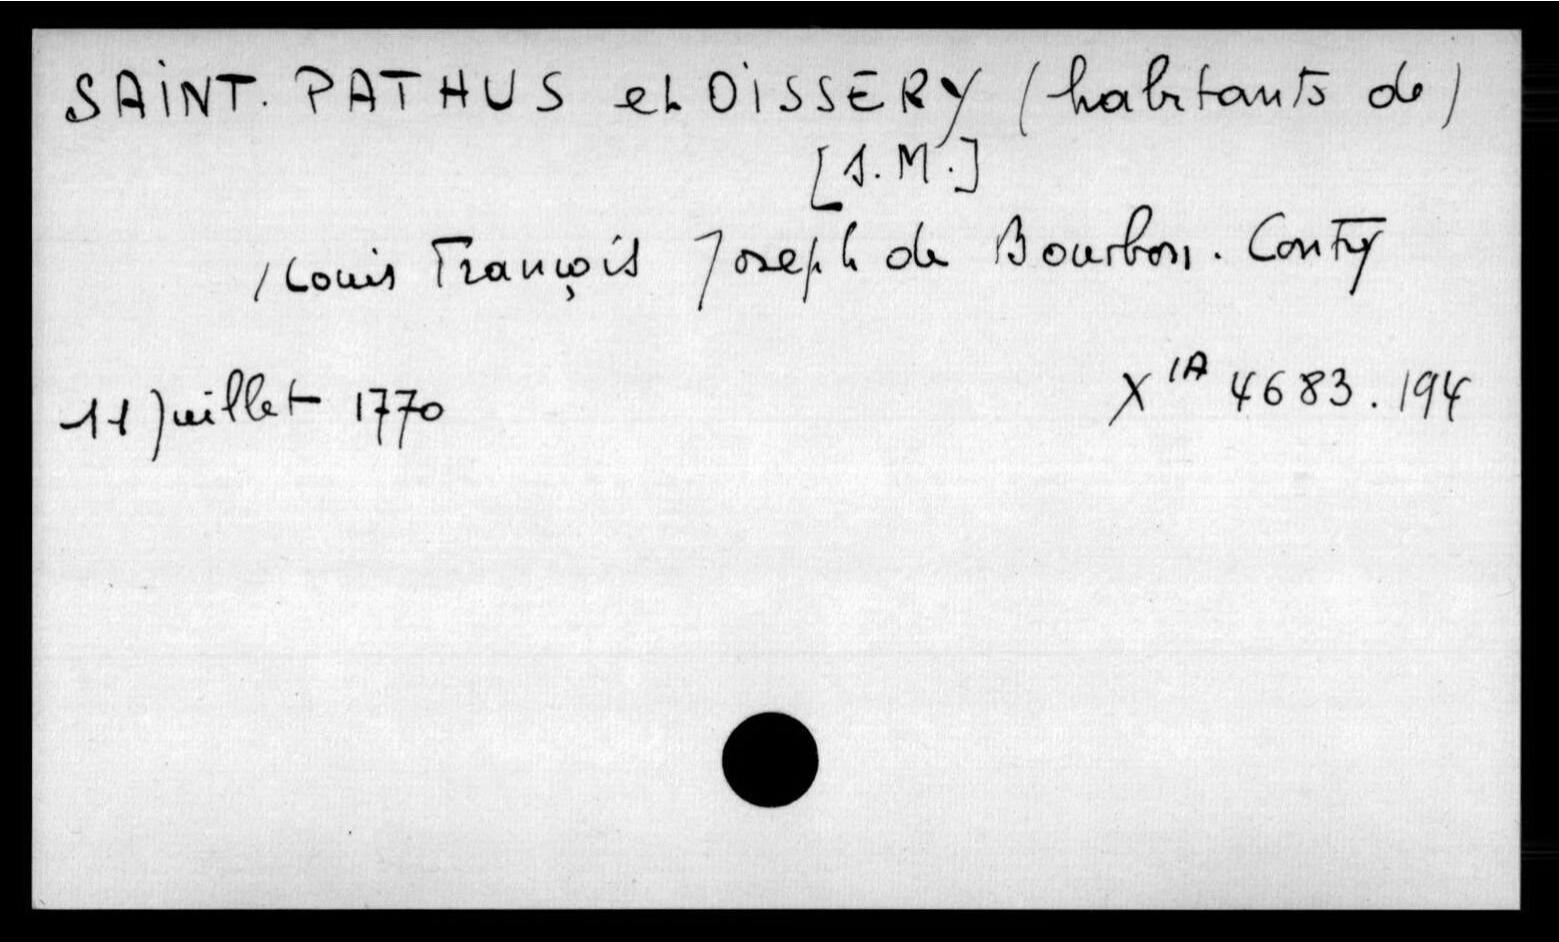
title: SAINT-PATHUS eL OISSERY (habrtants de) [Seine-Maritime]
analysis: Contre Louis François Joseph de Bourbon Conty
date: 11 juillet 1770
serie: X1A
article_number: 4683
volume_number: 194
